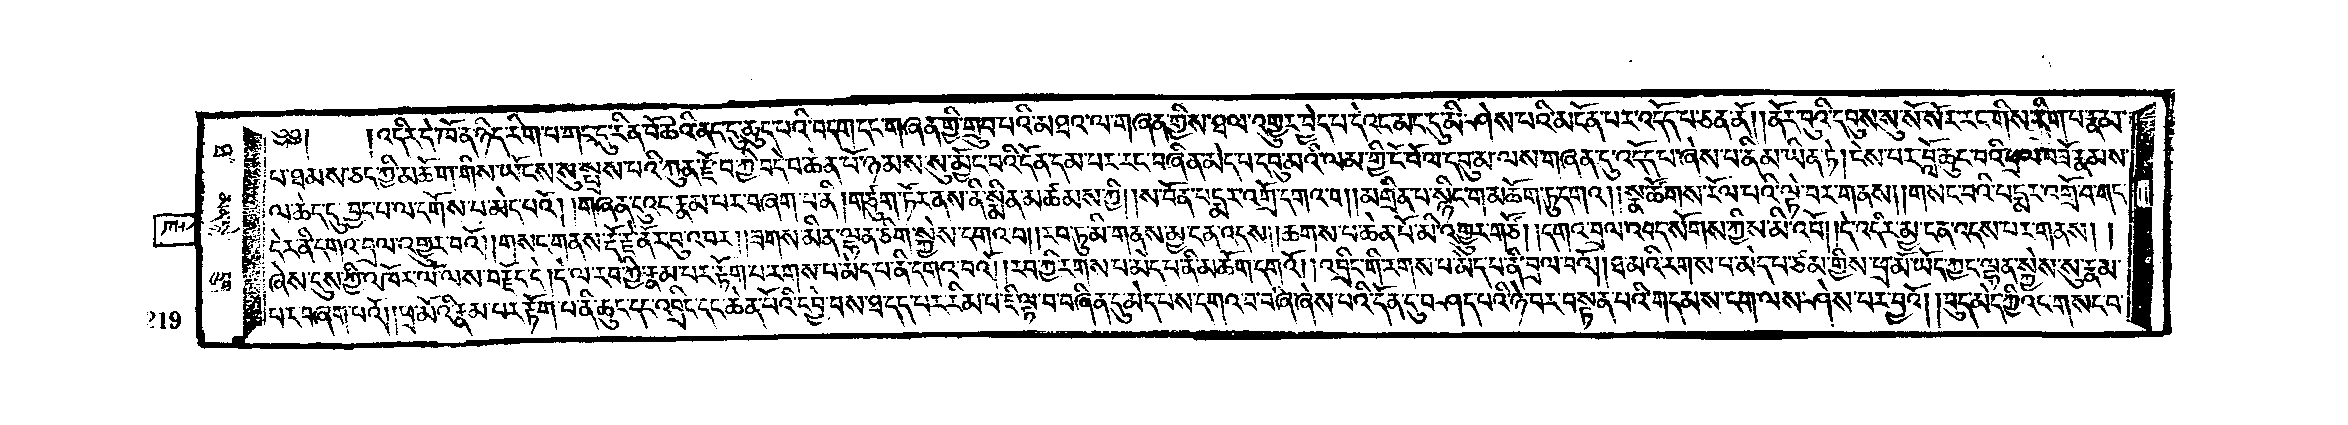༄༅། །འདིར་དེ་ཁོ་ན་ཉིད་རིག་པ་གང་དུ་རིན་པོ་ཆེའི་ནང་དུ་ཆུད་པའི་བདག་དང་གཞན་གྱི་གྲུབ་པའི་མཐའ་ལ་གཞན་གྱིས་ཐལ་འགྱུར་བྱེད་པ་དེའང་མང་དུ་མི་ཤེས་པའི་མངོན་པར་འདོད་པ་ཅན་ནོ། །ནོར་བུའི་དབུས་སུ་སོ་སོར་རང་གིས་རིག་པ་རྣམ་
པ་ཐམས་ཅད་ཀྱི་མཆོག་གིས་ཡོངས་སུ་སྤྲས་པའི་ཀུན་རྫོབ་ཀྱི་བདེ་བ་ཆེན་པོ་ཉམས་སུ་མྱོང་བའི་དོན་དམ་པར་རང་བཞིན་མེད་པ་དབུ་མའི་ལམ་གྱི་ངོ་བོ་ལ་དབུ་མ་ལས་གཞན་དུ་འདོད་པ་ཞེས་པ་ནི་མ་ཡིན་ཏེ། ངེས་པར་བློ་ཆུང་བའི་བྲལ་བཟོ་རྣམས་
ལ་ཆེད་དུ་བྱང་པ་ལ་དགོས་པ་མེད་པའོ། །གཞན་དུའང་རྣམ་པར་བཞག་པ་ནི། གཙུག་ཏོར་ནས་ནི་སྨིན་མཚམས་ཀྱི། །ས་བོན་པདམར་འགྲོ་དགའ་བ། །མགྲིན་པ་སྙིང་ག་མཆོག་ཏུ་དགའ། །སྣ་ཚོགས་རོལ་པའི་ལྟེ་བར་གནས། །གསང་བའི་པདམར་འགྲོ་བ་གང་
དེར་ནི་དགའ་བྲལ་འགྱུར་བའོ། །གསང་གནས་རྡོ་རྗེ་ནོར་བུ་འབར། །ཟགས་མིན་ལྷན་ཅིག་སྐྱེས་དགའ་བ། །རབ་ཏུ་མི་གནས་མྱ་ངན་འདས། །ཆགས་པ་ཆེན་པོ་མི་འགྱུར་གཙོ། །དགའ་བྲལ་འབད་སོགས་ཀྱིས་མི་འབོ། །དེ་འདིར་མྱ་ངན་འདས་པར་གནས། །
ཞེས་དུས་ཀྱི་འཁོར་ལོ་ལས་བརྗོད་དེ། དེ་ལ་རབ་ཀྱི་རྣམ་པར་རྟོག་པ་རགས་པ་མེད་པ་ནི་དགའ་བའོ། །རབ་ཀྱི་རགས་པ་མེད་པ་ནི་མཆོག་དགའོ། །འབྲིང་གི་རགས་པ་མེད་པ་ནི་བྲལ་བའོ། །ཐ་མའི་རགས་པ་མེད་པ་ཙམ་གྱིས་ཕྲ་མོ་ཡོད་ཀྱང་ལྷན་སྐྱེས་སུ་རྣམ་
པར་བཞག་པའོ། །ཕྲ་མོའི་རྣམ་པར་རྟོག་པ་ནི་ཆུང་དང་འབྲིང་དང་ཆེན་པོའི་དབྱེ་བས་ཐ་དད་པར་རིམ་པ་ཇི་ལྟ་བ་བཞིན་དུ་མེད་པས་དགའ་བ་བཞི་ཞེས་པའི་དོན་དུ་བཤད་པའི་ཉེ་བར་བསྟན་པའི་གདམས་ངག་ལས་ཤེས་པར་བྱའོ། །བུད་མེད་ཀྱིའང་གསང་བ་